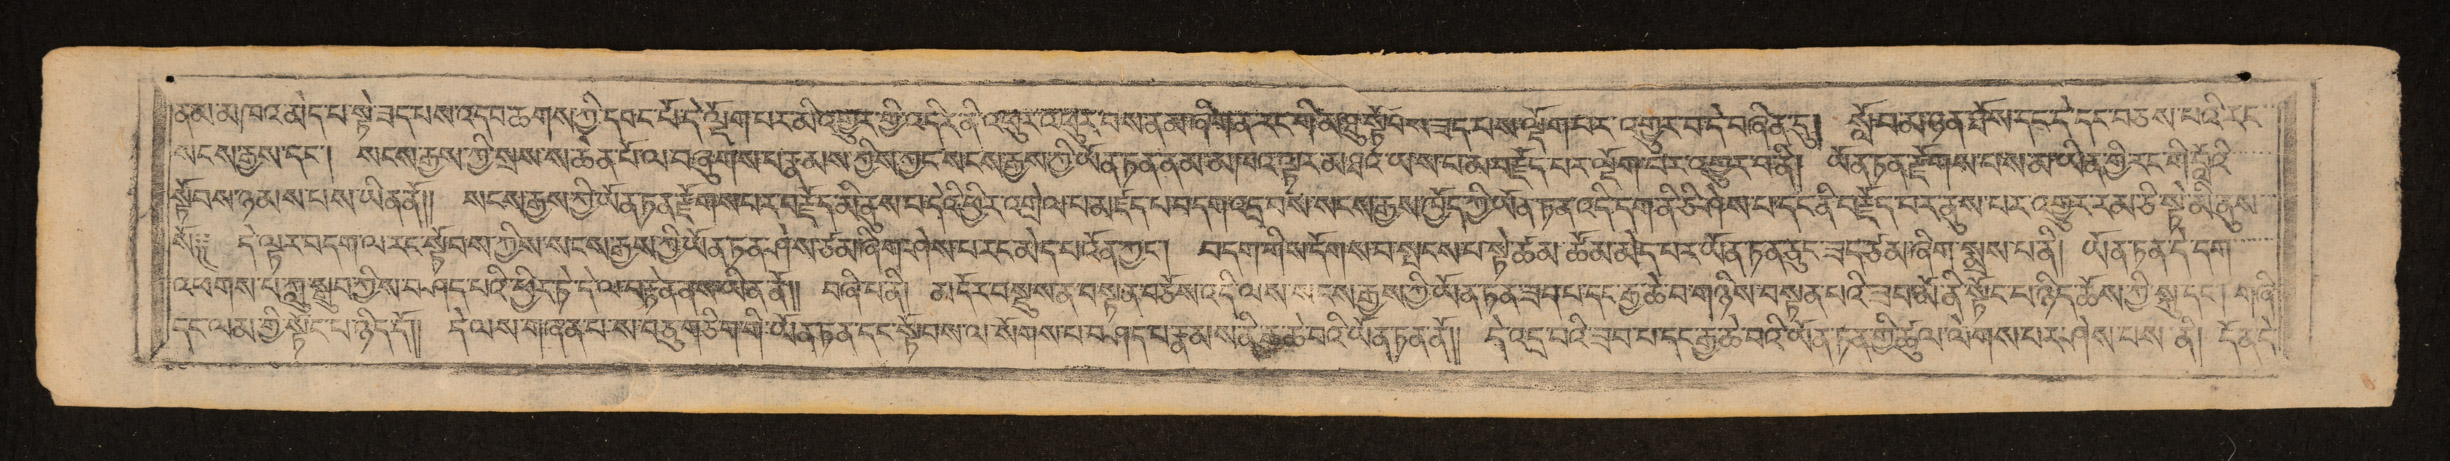ནམ་མཁའ་མེད་པ་སྟེ་ཟད་པས་འདབ་ཆགས་ཀྱི་དབང་པོ་དེ་ལྡོག་པར་མི་འགྱུར་གྱི་འདིར་ནི་འདིར་འཕུར་འཕུར་བས་ནམ་ཞིག་ན་རང་གི་མཐུ་སྟོབས་ཟད་པས་ལྡོག་པར་འགྱུར་བ་དེ་བཞིན་དུ། སློབ་མ་ཉན་ཐོས་དང་དེ་དང་བཅས་པའི་རང་
སངས་རྒྱས་དང་། སངས་རྒྱས་ཀྱི་སྲས་ས་ཆེན་པོ་ལ་བཞུགས་པ་རྣམས་ཀྱིས་ཀྱང་སངས་རྒྱས་ཀྱི་ཡོན་ཏན་ནམ་མཁའ་ལྟར་མཐའ་ཡས་པ་མ་བརྗོད་པར་ལྡོག་པར་འགྱུར་བ་ནི། ཡོན་ཏན་རྫོགས་པས་མ་ཡིན་གྱི་རང་གི་བློའི་
སྟོབས་ཉམས་པས་ཡིན་ནོ།། སངས་རྒྱས་ཀྱི་ཡོན་ཏན་རྫོགས་པར་བརྗོད་མི་ནུས་པ་དེའི་ཕྱིར་འགྲེལ་པ་མཛད་པ་བདག་འདྲ་བས་སངས་རྒྱས་ཁྱོད་ཀྱི་ཡོན་ཏན་འདི་དག་ནི་ཅི་ཤེས་པ་དང་ནི་བརྗོད་པར་ནུས་པར་འགྱུར་རམ་ཅི་སྟེ་མི་ནུས་
སོ༑༑ དེ་ལྟར་བདག་ལ་རང་སྟོབས་ཀྱིས་སངས་རྒྱས་ཀྱི་ཡོན་ཏན་ཤེས་ཙམ་ཞིག་ཤེས་པ་རང་མེད་པ་འོན་ཀྱང་། བདག་གིས་དོགས་པ་སྤངས་པ་སྟེ་ཚམ་ཚོམ་མེད་པར་ཡོན་ཏན་ཅུང་ཟད་ཙམ་ཞིག་སྨྲས་པ་ནི། ཡོན་ཏན་དེ་དག་
འཕགས་པ་ཀླུ་སྒྲུབ་ཀྱིས་བཤད་པའི་ཕྱིར་ཏེ་དེ་ལ་བརྟེན་ནས་ཡིན་ནོ།། བཞི་པ་ནི། མདོར་བསྡུས་ན་བསྟན་བཅོས་འདི་ལས་སངས་རྒྱས་ཀྱི་ཡོན་ཏན་ཟད་པ་དང་རྒྱ་ཆེ་བ་གཉིས་བསྟན་པའི་ཟབ་མོ་ནི་སྟོང་པ་ཉིད་ཆོས་ཀྱི་སྐུ་དང་། གཞི་
དང་ལམ་གྱི་སྟོང་པ་ཉིད་དོ།། དེ་ལས་གཞན་པ་ས་བཅུ་གཅིག་གི་ཡོན་ཏན་དང་སྟོབས་ལ་སོགས་པ་བཤད་པ་རྣམས་ནི་རྒྱ་ཆེ་བའི་ཡོན་ཏན་ནོ།། དེ་འདྲ་བའི་ཟབ་པ་དང་རྒྱ་ཆེ་བའི་ཡོན་ཏན་གྱི་ཚུལ་ལེགས་པར་ཤེས་པས་ནི། དོན་དེ་